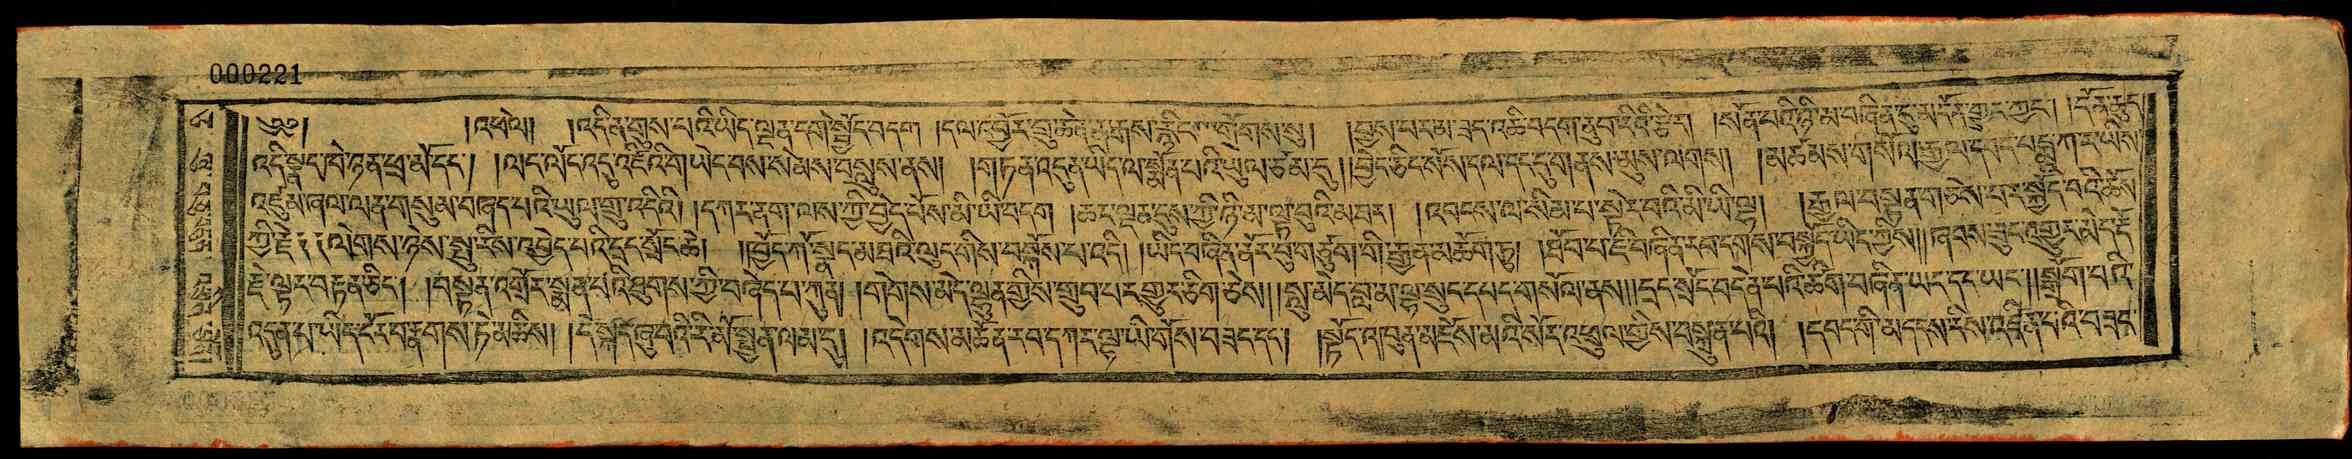༄༅། །འཕེལ། །འདི་ན་གུས་པའི་ཡིད་ལྡན་དགེ་སྦྱོང་བདག །དལ་འབྱོར་གྲུ་ཆེན་ན་རྒས་རྙིང་་་གོགས་སུ། །བྱས་པར་མ་ཟད་འཆི་བདག་ནུབ་རིའི་རྩིར། །སོན་པའི་ཉི་མོ་བཞིན་དུ་མངོན་གྱུར་ཀྱང་། །དོན་ཆུང་
འདི་སྣང་ཁེ་ཉན་ཕྲ་མོ་དང་། །ལང་ལོང་འདུ་འཇིའི་གཡེང་བས་སེམས་བསླུས་ནས། །གཏན་འདུན་ཡིད་ལ་སྨོན་པའི་ཡུལ་ཙམ་དུ། །བྱད་ཅིང་སོས་དལ་ངང་དུ་གནས་མུས་ལགས། །མཚམས་གསོལ་རྒྱལ་དབང་པདམ་ཀ་ར་ཡིས་
འཛུམ་ཞལ་ལན་གསུམ་བཞད་པའི་ཡུལ་གྲུ་འདིའི། །དཀར་ནག་ལས་ཀྱི་བྱེད་པོས་མི་ཡི་བདག །ཆར་ལྡན་དུས་ཀྱི་ཉི་མ་ལྟ་བུའི་མཐར། །འབངས་ལ་སིམ་པ་སྟེར་བའི་མི་ཡི་ལྷ། །རྒྱལ་བསྟན་གཅེས་པར་སྐྱོང་བའི་ཆོས་
ཀྱི་རྗེ༑ ༑ལེགས་ཉེས་སྦུ་རིས་འབྱེད་པའི་དྲང་སྲོང་ཆེ། །ཁྱོད་ཀོ་སྣང་མཐའི་ལུང་གིས་བསྐོས་པ་འདི། །ཡིད་བཞིན་ནོར་བུ་གཙུག་གི་རྒྱན་མཆོག་ཏུ། །ཐོབ་པ་ཇི་བཞིན་རབ་དགས་བསྐྱོད་ཡིད་ཀྱིས། །ཞབས་ཟུང་འགྱུར་མེད་རྡོ་
རྗེ་ལྟར་བརྟན་ཅིང་། །བསྟན་འགྲོར་སྨན་པའི་ཐུགས་ཀྱི་བཞེད་པ་ཀུན། །གེགས་མེད་ལྷུན་གྱིས་གྲུབ་པར་གྱུར་ཅིག་ཅེས། །སླུ་མེད་བླ་མ་ལྷ་སྲུང་དབང་གསོལ་ནས། །དྲང་སྲོང་བདེན་པའི་ཚིག་བཞིན་ཡང་དང་ཡང་། །སྒྲོག་པའི་
འདུན་པ་ཡིད་ངོར་བརྣགས་ཏེ་མཆིས། །དེ་སྐད་ཞུ་བའི་རི་མོ་སྤྱན་ལམ་དུ། །འདེགས་མཚོན་རབ་དཀར་ལྷ་ཡི་གོས་བཟང་དང་། །སྟོང་འཁུན་མཛེས་མའི་སོར་འཕྲུལ་གྱིས་བསྐྲུན་པའི། །དབང་གི་མདངས་རིས་འཛིན་པའི་བཟང་
གོས་ཁ། །དམ་རྫས་རིལ་བུར་བཅས་པ་དགེ་བྱེད་ལོའི། །མགོ་ཟླའི་དམར་ཕྱོགས་བཟང་པོ་གསུམ་པའི་ཉིན། །དབེན་གནས་དངུལ་ཆུའི་ས་འཛིན་ཕུག་ཡངས་ནས། །གུས་པའི་ཡིད་ལྡན་དྷརྨ་བྷ་དྲས་ཕུལ། །